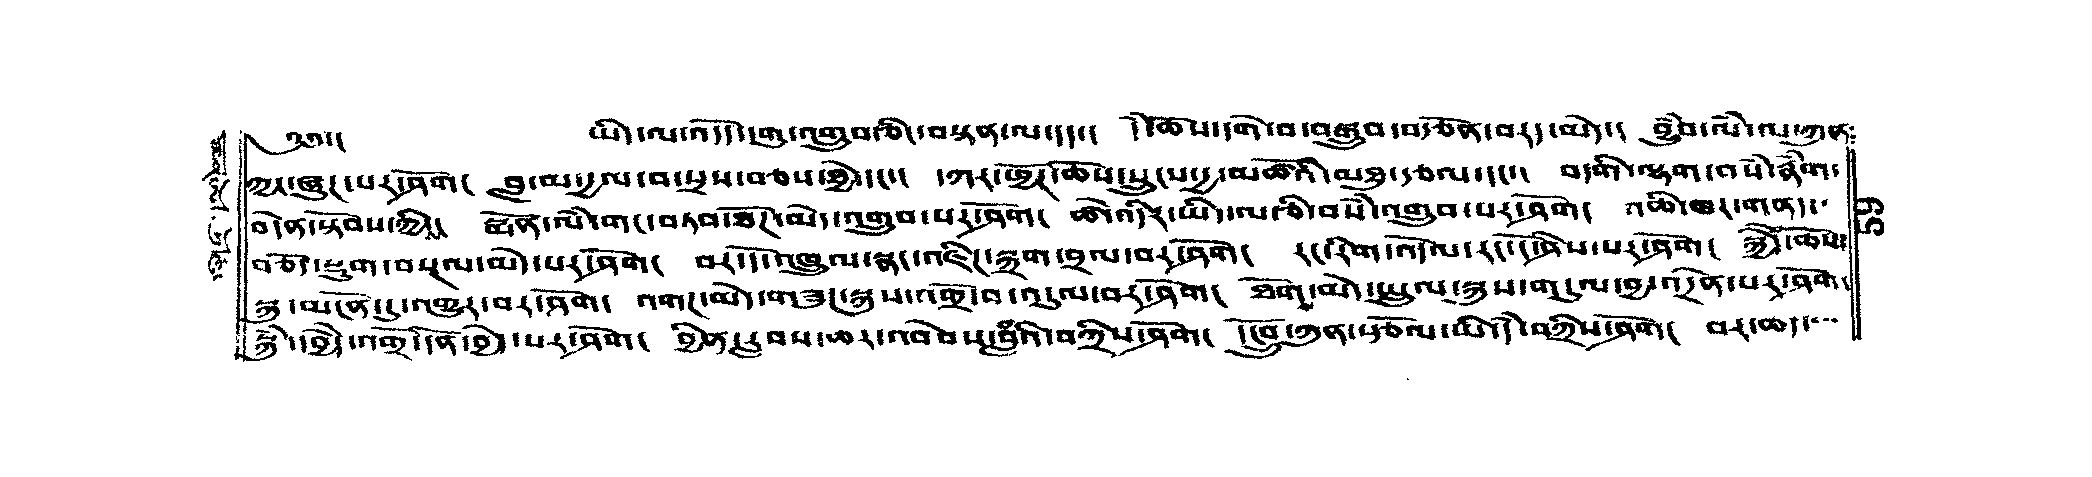།ཡིད་ལ་འདོད་དགུ་འགྲུབ་ཅིང་བསྟན་ལ་དད། །དམ་ཆོས་དགེ་བ་བསྒྲུབ་བརྩོན་བར་ཆད་མེད། །བྱང་ཆུབ་ལམ་ལ་ཀུན་
ཀྱང་ཞུགས་པར་ཤོག། བླ་མ་རྒྱལ་བ་སྲས་བཅས་ཐུགས་རྗེ་དང་། །དཀར་ཕྱོགས་ཆོས་སྲུང་རྒྱ་མཚོའི་མཐུ་རྩལ་དང་། །བདག་གི་ལྷག་བསམ་རྣམ་དག་
བདེན་སྟོབས་ཀྱིས། །སྨོན་ལམ་གང་བཏབ་ཐོགས་མེད་འགྲུབ་པར་ཤོག །ཚེ་འདིར་ཡིད་ལ་ཅི་བསམ་འགྲུབ་པར་ཤོག །འཆི་ཁར་གནད་
བཅོད་སྡུག་བསྔལ་མེད་པར་ཤོག །བར་དོ་འཁྲུལ་སྣང་འཇིགས་སྐྲག་བྲལ་བར་ཤོག །རང་རིག་འོད་གསལ་རང་ངོ་ཤེས་པར་ཤོག །སྐྱེ་མེད་ཆོས་
སྐུ་མངོན་དུ་འགྱུར་བར་ཤོག །འགགས་མེད་གཟུགས་སྐུས་འགྲོ་བ་འདུལ་བར་ཤོག །ཐོགས་མེད་སྤྲུལ་སྐུས་གདུལ་བྱ་འདྲེན་པར་ཤོག །
སྐུ་གསུམ་དབྱེར་མེད་འགྲོ་དོན་བྱེད་པར་ཤོག །བྱིན་རླབས་ཆར་འབེབས་བླ་མའི་བཀྲ་ཤིས་ཤོག །དངོས་གྲུབ་ཀུན་སྩོལ་ཡི་དམ་བཀྲ་ཤིས་ཤོག །བར་ཆད་